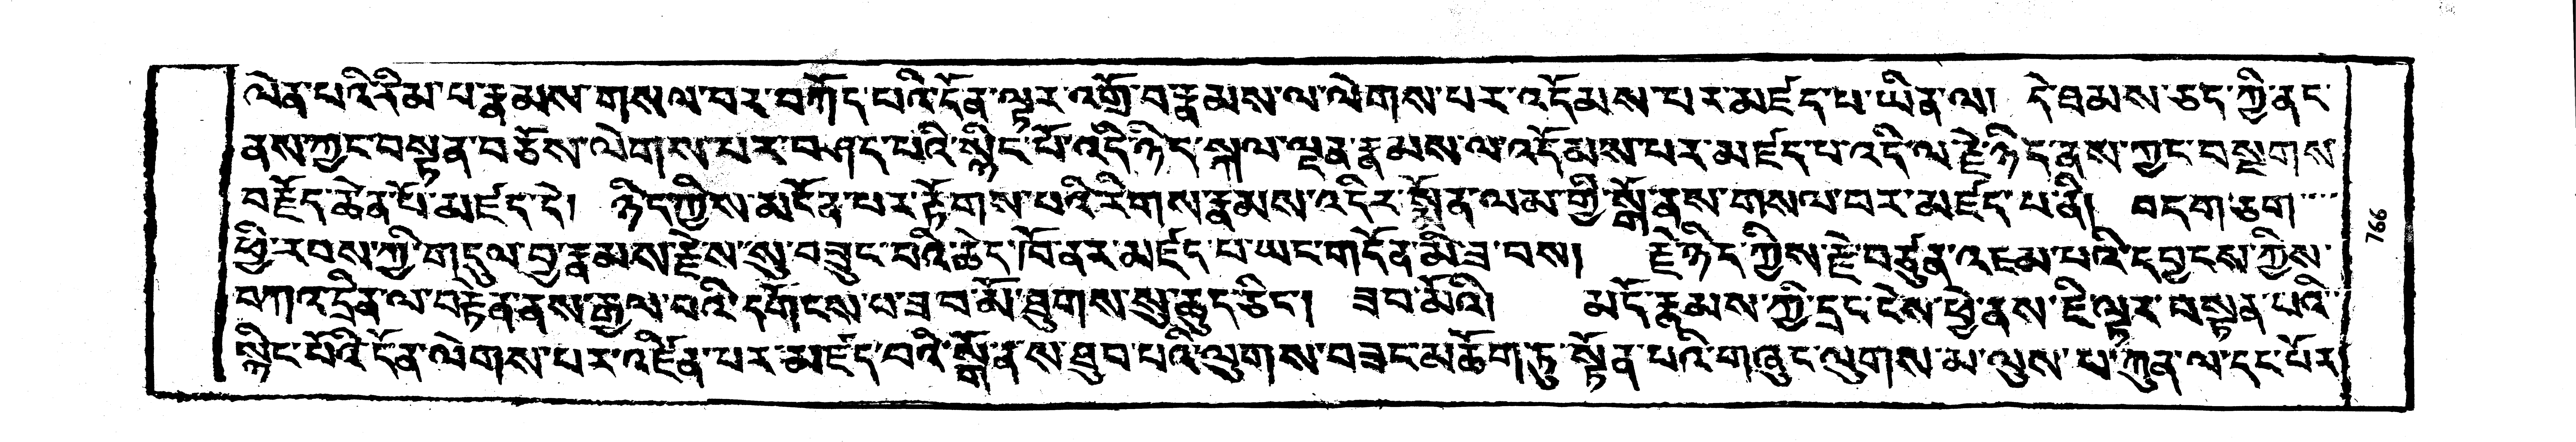ལེན་པའི་རིམ་པ་རྣམས་གསལ་བར་བཀོད་པའི་དོན་ལྟར་འགྲོ་བ་རྣམས་ལ་ལེགས་པར་འདོམས་པར་མཛད་པ་ཡིན་ལ། དེ་ཐམས་ཅད་ཀྱི་ནང་
ནས་ཀྱང་བསྟན་བཅོས་ལེགས་པར་བཤད་པའི་སྙིང་པོ་འདི་ཉིད་སྐལ་ལྡན་རྣམས་ལ་འདོམས་པར་མཛད་པ་འདི་ལ་རྗེ་ཉིད་ནས་ཀྱང་བསྔགས་
བརྗོད་ཆེན་པོ་མཛད་དེ། ཉིད་ཀྱིས་མངོན་པར་རྟོགས་པའི་རིགས་རྣམས་འདིར་སྨོན་ལམ་གྱི་སྒོ་ནས་གསལ་བར་མཛད་པ་ནི། བདག་ཅག་
ཕྱི་རབས་ཀྱི་གདུལ་བྱ་རྣམས་རྗེས་སུ་བཟུང་བའི་ཆེད་ཁོ་ནར་མཛད་པ་ཡང་གདོན་མི་ཟ་བས། རྗེ་ཉིད་ཀྱིས་རྗེ་བཙུན་འཇམ་པའི་དབྱངས་ཀྱིས་
བཀའ་དྲིན་ལ་བརྟེན་ནས་རྒྱལ་བའི་དགོངས་པ་ཟབ་མོ་ཐུགས་སུ་ཆུད་ཅིང་། ཟབ་མོའི། མདོ་རྣམས་ཀྱི་དྲང་ངེས་ཕྱེ་ནས་ཇི་ལྟར་བསྟན་པའི་
སྙིང་པོའི་དོན་ལེགས་པར་འཛིན་པར་མཛད་པའི་སྒོ་ནས་ཐུབ་པའི་ལུགས་བཟང་མཆོག་ཏུ་སྟོན་པའི་གཞུང་ལུགས་མ་ལུས་པ་ཀུན་ལ་དང་པོར་